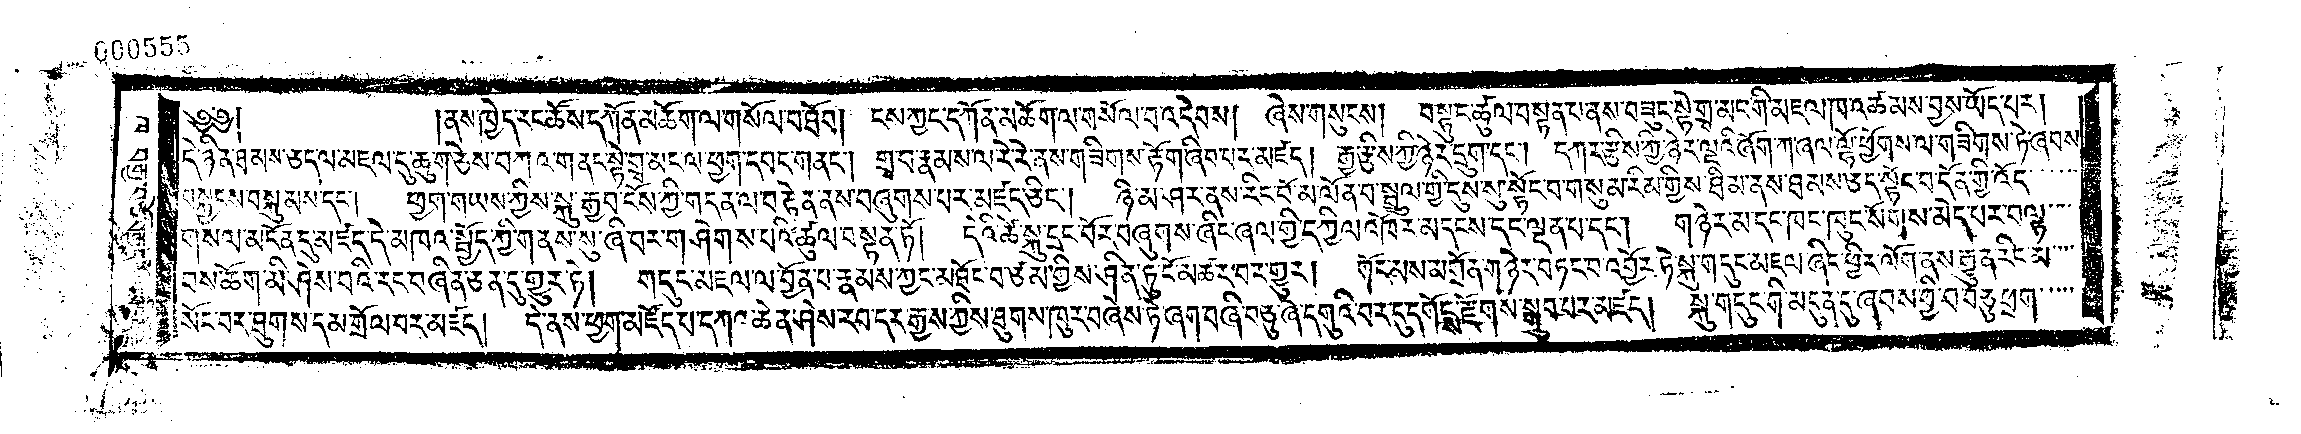༄༅། །ནས་ཁྱེད་རང་ཆོས་དཀོན་མཆོག་ལ་གསོལ་པ་ཐོབ། ངས་ཀྱང་དཀོན་མཆོག་ལ་གསོལ་བ་འདེབས། ཞེས་གསུངས། བསྙུང་ཚུལ་བསྟན་པ་ནས་བཟུང་སྟེ་གྲྭ་མང་གི་མཇལ་ཁ་འཚམས་བྱས་ཡོད་པར།
དེ་ཉིན་ཐམས་ཅད་ལ་མཇལ་དུ་ཆུག་ཅེས་བཀའ་གནང་སྟེ་གྲྭ་མང་ལ་ཕྱག་དབང་གནང་། གྲྭ་པ་རྣམས་ལ་རེ་རེ་ནས་གཟིགས་རྟོག་ཞིབ་པར་མཛད། རྒྱ་རྩིས་ཀྱི་ཉེར་དྲུག་དང་། དཀར་རྩིས་ཀྱི་ཉེར་ལྔའི་ཞོག་ཀ་ཞལ་ལྷོ་ཕྱོགས་ལ་གཟིགས་ཏེ་ཞབས་
བསྐྱངས་བསྐུམས་དང་། ཕྱག་གཡས་ཀྱིས་སྐུ་རྒྱབ་ངོས་ཀྱི་གདན་ལ་བརྟེན་ནས་བཞུགས་པར་མཛད་ཅིང་། ཉི་མ་ཤར་ནས་རིང་པོ་མ་ལོན་པ་སྦྲུལ་གྱི་དུས་སུ་སྟོང་པ་གསུམ་རིམ་གྱིས་ཐིམ་ནས་ཐམས་ཅད་སྟོང་པ་དོན་གྱི་འོད་
གསལ་མངོན་དུ་མཛད་དེ་མཁའ་སྤྱོད་ཀྱི་གནས་སུ་ཞི་བར་གཤེགས་པའི་ཚུལ་བསྟན་ཏོ། དེའི་ཚེ་སྐུ་དྲང་པོར་བཞུགས་ཞིང་ཞལ་གྱི་དཀྱིལ་འཁོར་མདངས་དང་ལྡན་པ་དང་། གཉེར་མ་དང་ཁང་ཁུང་སོགས་མེད་པར་བལྟ་
བས་ཆོག་མི་ཤེས་པའི་རང་བཞིན་ཅན་དུ་གྱུར་ཏེ། གདུང་མཇལ་ལ་བྱོན་པ་རྣམས་ཀྱང་མཐོང་བ་ཙམ་གྱིས་ཤིན་ཏུ་ངོ་མཚར་བར་གྱུར། གོང་མས་མགྲོན་གཉེར་བཏང་བ་འབྱོར་ཏེ་སྐུ་གདུང་མཇལ་ཞིང་ཕྱིར་ལོག་ནས་རྒྱུན་རིང་མ་
སོང་བར་ཐུགས་དམ་གྲོལ་བར་མཛད། དེ་ནས་ཕྱག་མཛོད་པ་དཀའ་ཆེན་ཤེས་རབ་དར་རྒྱས་ཀྱིས་ཐུགས་ཁུར་བཞེས་ཏེ་ཞག་བཞི་བཅུ་ཞེ་དགུའི་བར་དུ་དགོངས་རྫོགས་སྒྲུབ་པར་མཛད། སྐུ་གདུང་གི་མདུན་དུ་ཞབས་ཕྱི་པ་བཅུ་ཕྲག་